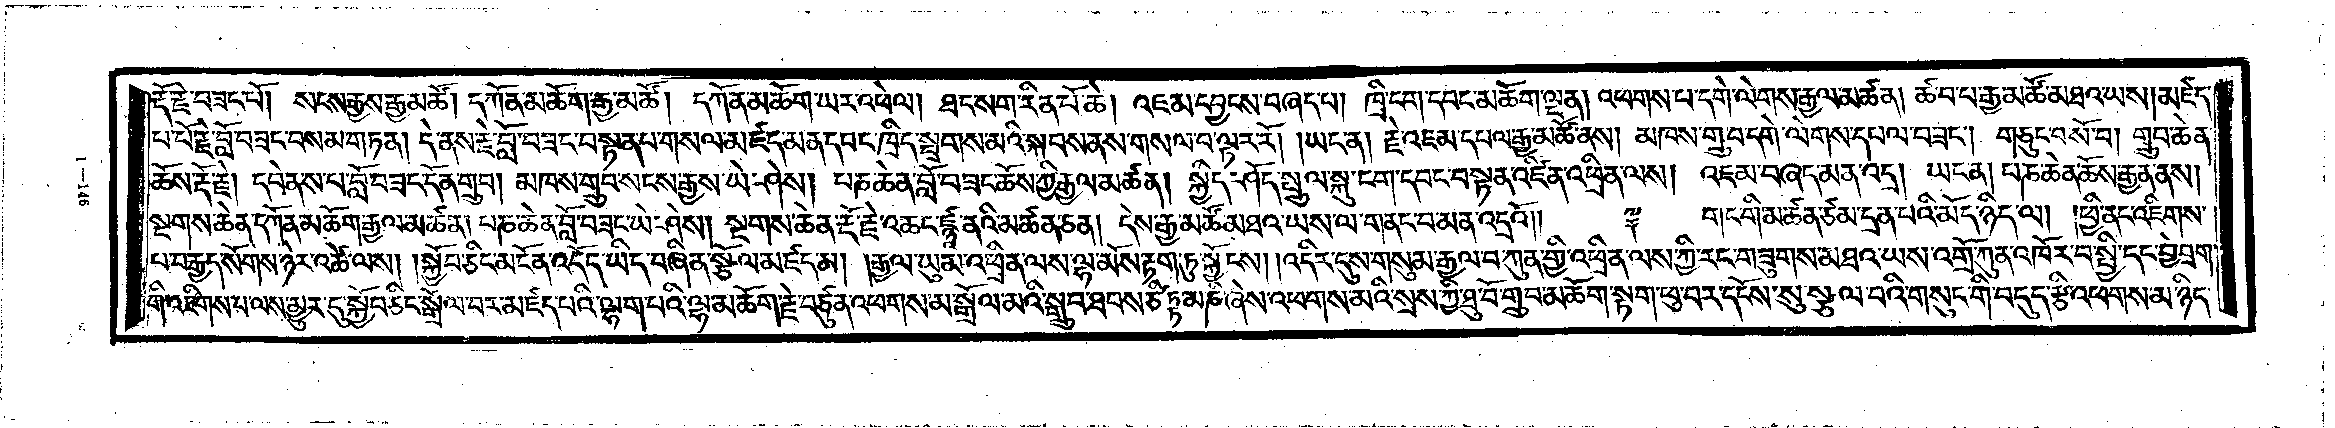རྡོ་རྗེ་བཟང་པོ། སངས་རྒྱས་རྒྱ་མཚོ། དཀོན་མཆོག་རྒྱ་མཚོ། དཀོན་མཆོག་ཡར་འཕེལ། ཐངས་ག་རིན་པོ་ཆེ། འཇམ་དབྱངས་བཞད་པ། ཁྲི་ངག་དབང་མཆོག་ལྡན། འཕགས་པ་དགེ་ལེགས་རྒྱལ་མཚན། ཚ་བ་པ་རྒྱ་མཚོ་མཐའ་ཡས། མཛད་
པ་པོ་རྗེ་བློ་བཟང་བསམ་གཏན། དེ་ནས་རྗེ་བློ་བཟང་བསྟན་པ་གསལ་མཛད་མན་དབང་ཁྲིད་སྦྲགས་མའི་སྐབས་ནས་གསལ་བ་ལྟར་རོ། །ཡང་ན། རྗེ་འཇམ་དཔལ་རྒྱ་མཚོ་ནས། མཁས་གྲུབ་དགེ་ལེགས་དཔལ་བཟང་། གཅུང་བ་སོ་བ། གྲུབ་ཆེན་
ཆོས་རྡོ་རྗེ། དབེན་ས་པ་བློ་བཟང་དོན་གྲུབ། མཁས་གྲུབ་སངས་རྒྱས་ཡེ་ཤེས། པཎ་ཆེན་བློ་བཟང་ཆོས་ཀྱི་རྒྱལ་མཚན། སྐྱིད་ཤོད་སྤྲུལ་སྐུ་ངག་དབང་བསྟན་འཛིན་འཕྲིན་ལས། འཇམ་བཞད་མན་འདྲ། ཡང་ན། པཎ་ཆེན་ཆོས་རྒྱན་ནས།
སྔགས་ཆེན་དཀོན་མཆོག་རྒྱལ་མཚན། པཎ་ཆེན་བློ་བཟང་ཡེ་ཤེས། སྔགས་ཆེན་རྡོ་རྗེ་འཆང་ཛྙཱ་ནའི་མཚན་ཅན། དེས་རྒྱ་མཚོ་མཐའ་ཡས་ལ་གནང་བ་མན་འདྲའོ།། ༈ གང་གི་མཚན་ཙམ་དྲན་པའི་མོད་ཉིད་ལ། །ཕྱི་ནང་འཇིགས་
པ་བརྒྱད་སོགས་ཉེར་འཚེ་ལས། །སྐྱོབ་ཅིང་མངོན་འདོད་ཡིད་བཞིན་སྩོལ་མཛད་མ། །རྒྱལ་ཡུམ་འཕྲིན་ལས་ལྷ་མོས་རྟག་ཏུ་སྐྱོངས། །འདིར་དུས་གསུམ་རྒྱལ་བ་ཀུན་གྱི་འཕྲིན་ལས་ཀྱི་རང་གཟུགས་མཐའ་ཡས་འགྲོ་ཀུན་འཁོར་བའི་སྤྱི་དང་བྱེ་བྲག་
གི་འཇིགས་པ་ལས་མྱུར་དུ་སྐྱོབ་ཅིང་སྒྲོལ་བར་མཛད་པའི་ལྷག་པའི་ལྷ་མཆོག་རྗེ་བཙུན་འཕགས་མ་སྒྲོལ་མའི་སྒྲུབ་ཐབས་ཙིཏྟ་མཎི་ཞེས་འཕགས་མའི་སྲས་ཀྱི་ཐུ་བོ་གྲུབ་མཆོག་སྟག་ཕུ་བར་དངོས་སུ་སྩལ་བའི་གསུང་གི་བདུད་རྩི་འཕགས་མ་ཉིད་